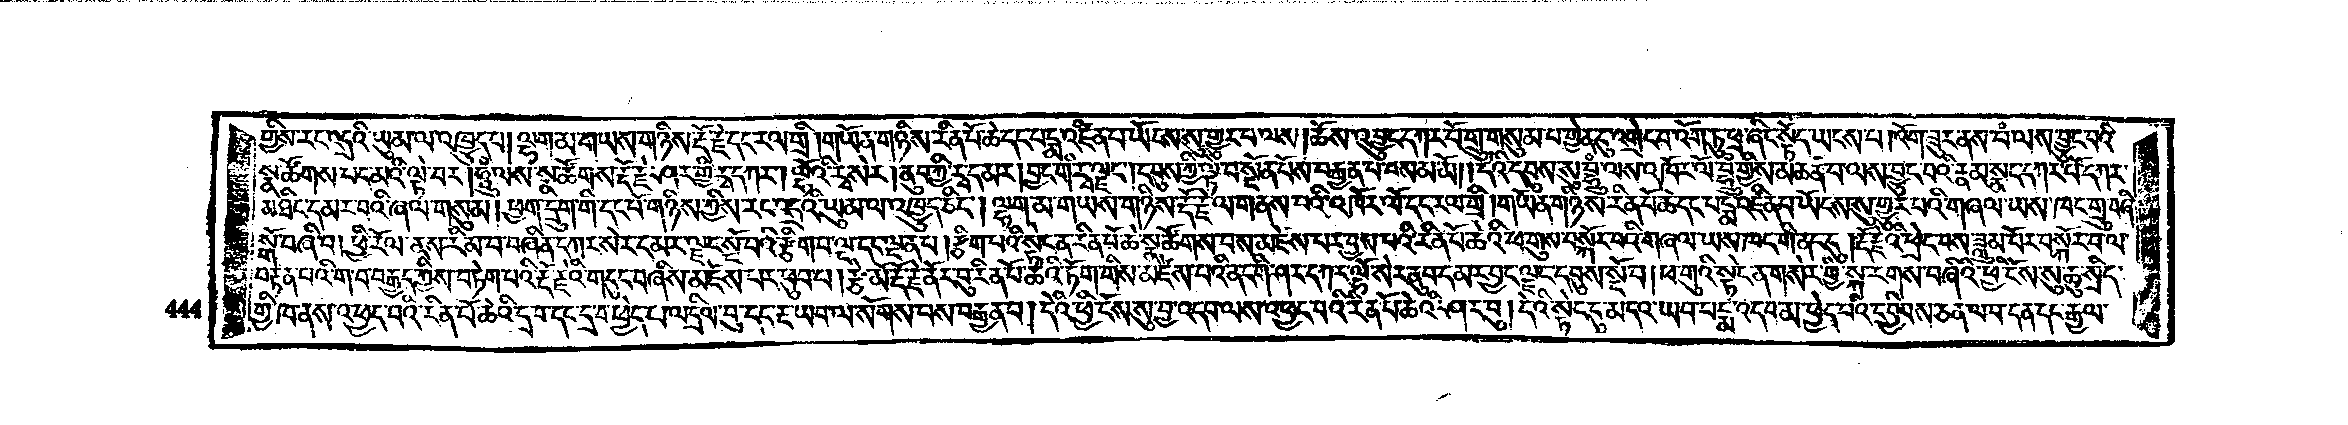གྱིས་རང་འདྲའི་ཡུམ་ལ་འཁྱུད་པ། ལྷག་མ་གཡས་གཉིས་རྡོ་རྗེ་དང་རལ་གྲི། གཡོན་གཉིས་རིན་པོ་ཆེ་དང་པདམ་འཛིན་པ་ཡོངས་སུ་གྱུར་པ་ལས། ཆོས་འབྱུང་དཀར་པོ་གྲུ་གསུམ་པ་གྱེན་དུ་འགྲེང་བ་འོག་ཏུ་ཕྲ་ཞིང་སྟོད་ཡངས་པ། འོག་ཟུར་ནས་པཾ་ལས་བྱུང་བའི་
སྣ་ཚོགས་པད་མའི་ལྟེ་བར། ཧཱུཾ་ལས་སྣ་ཚོགས་རྡོ་རྗེ་ཤར་གྱི་རྭ་དཀར། ལྷོའི་རྭ་སེར། ནུབ་ཀྱི་རྭ་དམར། བྱང་གི་རྭ་ལྗང་། དབུས་ཀྱི་ལྟེ་བ་སྔོན་པོས་བརྒྱན་པ་བསམ་མོ། །དེའི་དབུས་སུ་བྷྲུཾ་ལས་འཁོར་ལོ་བྷྲུཾ་གྱིས་མཚན་པ་ལས་བྱུང་བའི་རྣམ་སྣང་དཀར་པོ་དཀར་
མཐིང་དམར་བའི་ཞལ་གསུམ། ཕྱག་དྲུག་གི་དང་པོ་གཉིས་ཀྱིས་རང་འདྲའི་ཡུམ་ལ་འཁྱུད་ཅིང་། ལྷག་མ་གཡས་གཉིས་རྡོ་རྗེ་ལ་གནས་པའི་འཁོར་ལོ་དང་རལ་གྲི། གཡོན་གཉིས་རིན་པོ་ཆེ་དང་པདམ་འཛིན་པ་ཡོངས་སུ་གྱུར་པའི་གཞལ་ཡས་ཁང་གྲུ་བཞི་
སྒོ་བཞི་བ། ཕྱི་རོལ་ནས་རིམ་པ་བཞིན་དཀར་སར་དམར་ལྗང་སྔོ་བའི་རྩིག་པ་ལྔ་དང་ལྡན་པ། རྩིག་པའི་སྟེང་ན་རིན་པོ་ཆེ་སྣ་ཚོགས་པས་མཛེས་པར་བྱས་པའི་རིན་པོ་ཆེའི་ཕ་གུས་བསྐོར་བའི་གཞལ་ཡས་ཁང་གི་ནང་དུ། རྡོ་རྗེའི་ཕྲེང་བས་ཟླུམ་པོར་བསྐོར་བ་ལ་
བརྟེན་པའི་ཀ་བ་བརྒྱད་ཀྱིས་བཏེགས་པའི་རྡོ་རྗེའི་གདུང་བཞིས་མཛེས་པར་ཕུབ་པ། རྩེ་མོ་རྡོ་རྗེ་ནོར་བུ་རིན་པོ་ཆེའི་ཏོག་གིས་མཛེས་པའི་ནང་གི་ཤར་དཀར་ལྷོ་སེར་ནུབ་དམར་བྱང་ལྗང་དབུས་སྔོ་བ། ཕ་གུའི་སྟེང་ན་གསེར་གྱི་སྐེ་རགས་བཞིའི་ཕྱི་ངོས་སུ་ཆུ་སྲིན་
གྱི་ཁ་ནས་འཕྱང་བའི་རིན་པོ་ཆེའི་དྲ་བ་དང་དྲ་བ་ཕྱེད་པ་ལ་དྲིལ་བུ་དང་རྔ་ཡབ་ལ་སོགས་པས་བརྒྱན་པ། དེའི་ཕྱི་ངོས་སུ་བྱ་འདབ་ལས་འཕྱང་བའི་རིན་པོ་ཆེའི་ཤར་བུ། དེའི་སྟེང་དུ་མདའ་ཡབ་པདམ་འདབ་མ་ཕྱེད་པའི་དབྱིབས་ཅན་ལ་བ་དན་དང་རྒྱལ་